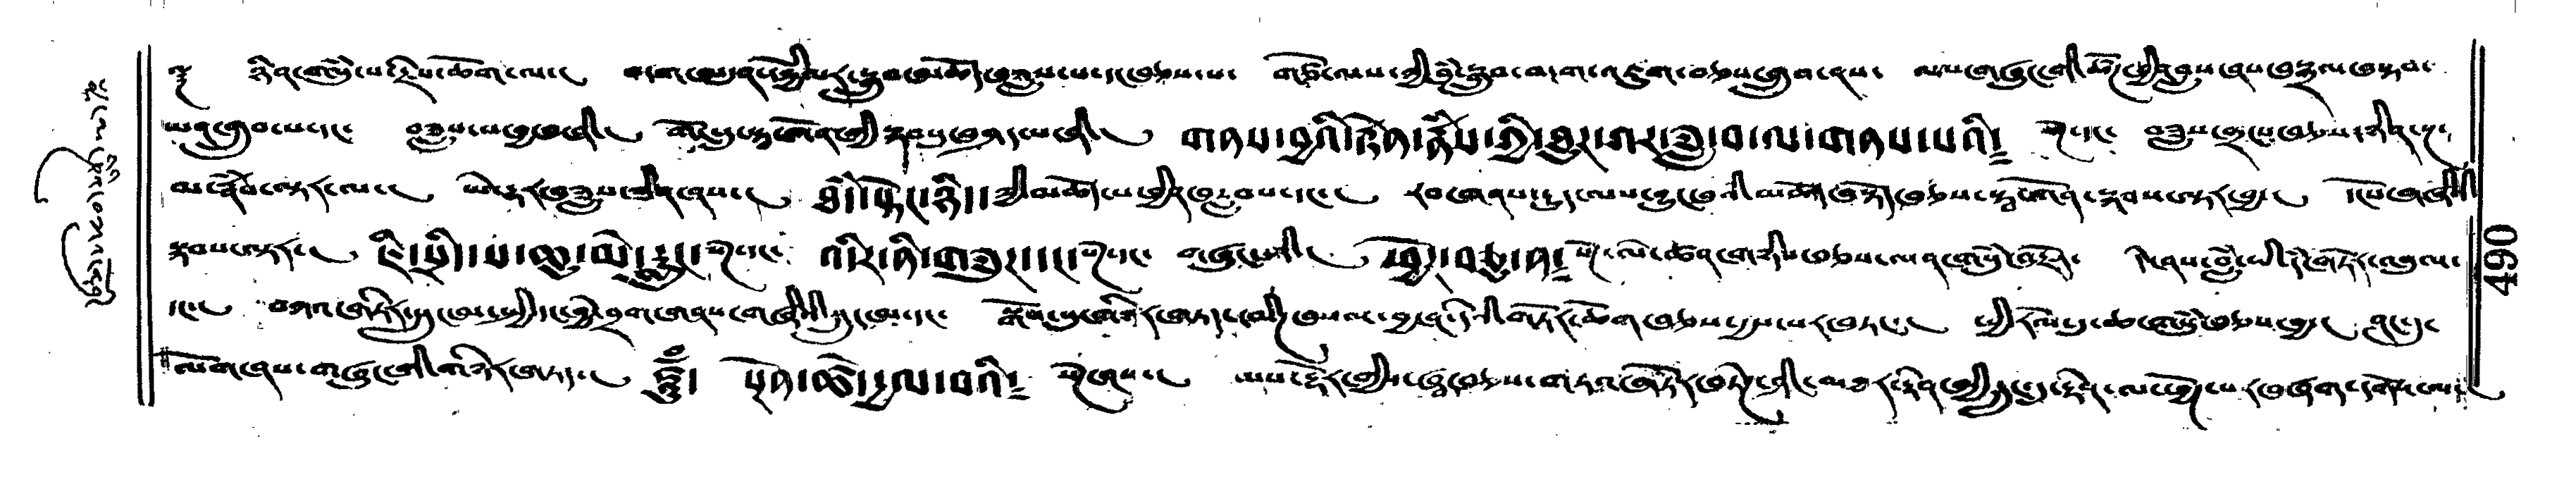༈ ཉིན་གསུམ་པ་རྗེས་ཆོག་ལ། བདག་མདུན་དཀྱིལ་འཁོར་སྒྲུབ་མཆོད་བཟླས་པ་དང་བཅས་པ། གཙོ་ལས་ཀྱི་བུམ་སྒྲུབ་བདག་འཇུག་བཅས་གྲུབ་ནས། ལས་གཞུང་གི་ཚོགས་བྱིན་རླབས་ནས་བསྒྲལ་བསྟབ་
ཡན་གྲུབ་པ་དང་། བཟླས་པ་བྱ་བ་ནི། གོང་དུ་སྟ་གོན་གྱི་སྐབས་སུ་བཤད་པའི། གནས་བྱའི་རྟེན་རྣམས་ཀྱི་ཐུགས་ཀར་ཟླ་བ་ལ་གནས་པའི༴ སོགས་དང་། བཟླས་གྲངས་བཅས་ཉིན་སྔ་
མ་རྣམས་ལྟར་ལ། ཡེ་དྷར་བཟླས་ཟིན་ནས། ཐམས་ཅད་སྟོང་ཉིད་ཀྱི་མཆོད་པ་བྱིན་བརླབས་དང་། རབ་གནས་རྒྱུད་ལས་བྱུང་བའི་མཆོད་བསྟོད་བཅས་སྟ་གོན་སྐབས་ལྟར་བྱ། དངོས་གཞིའི་
སྐབས་ལྟར། ཇི་སྲིད་ས་ཆུ་མེ་རླུང་སོགས་དང་། འདིར་ནི་གཟུགས་དང་སོགས་དང། གཞུང་གི་ཕྱོགས་བཅུ་ན༴ སོགས་མེ་ཚན་གཉིས་བཅས་ལན་གསུམ་བརྗོད། དེ་ནས་བླ་མ་ཡི་དམ་གཏོར་འབུལ་
དང་། བཀའ་གཏེར་སྲུང་མ་སྤྱི་དང་བྱེ་བྲག་གནས་གཞིའི་སྲུང་མ་དང་། སྒོས་སུ་གཉེར་གཏད་དམིགས་བསལ་བྱ་ན་དེའི་གཏོར་ཆོག་བཅས་རྒྱས་པར་བཏང་། ཕྱི་རོལ་དུ་ཆ་གསུམ་བཅས་བྱ། ནང་དུ་
ལོག་ནས་གཞུང་གི་གཉེར་གཏད། ཧཱུྃ། སྔོན་ཚེ་རྒྱལ་བའི༴ སོགས་ནས་ལས་རྡོར་གྱིས་ཞྭ་བཅས་གཏའ་གཏོར་བཏེགས་ཤིང་མཐར་རྟེན་གྱི་དྲུང་དུ་རྟེན་ལ་ཕྱོགས་པར་བཞག་དགོས་ལ།